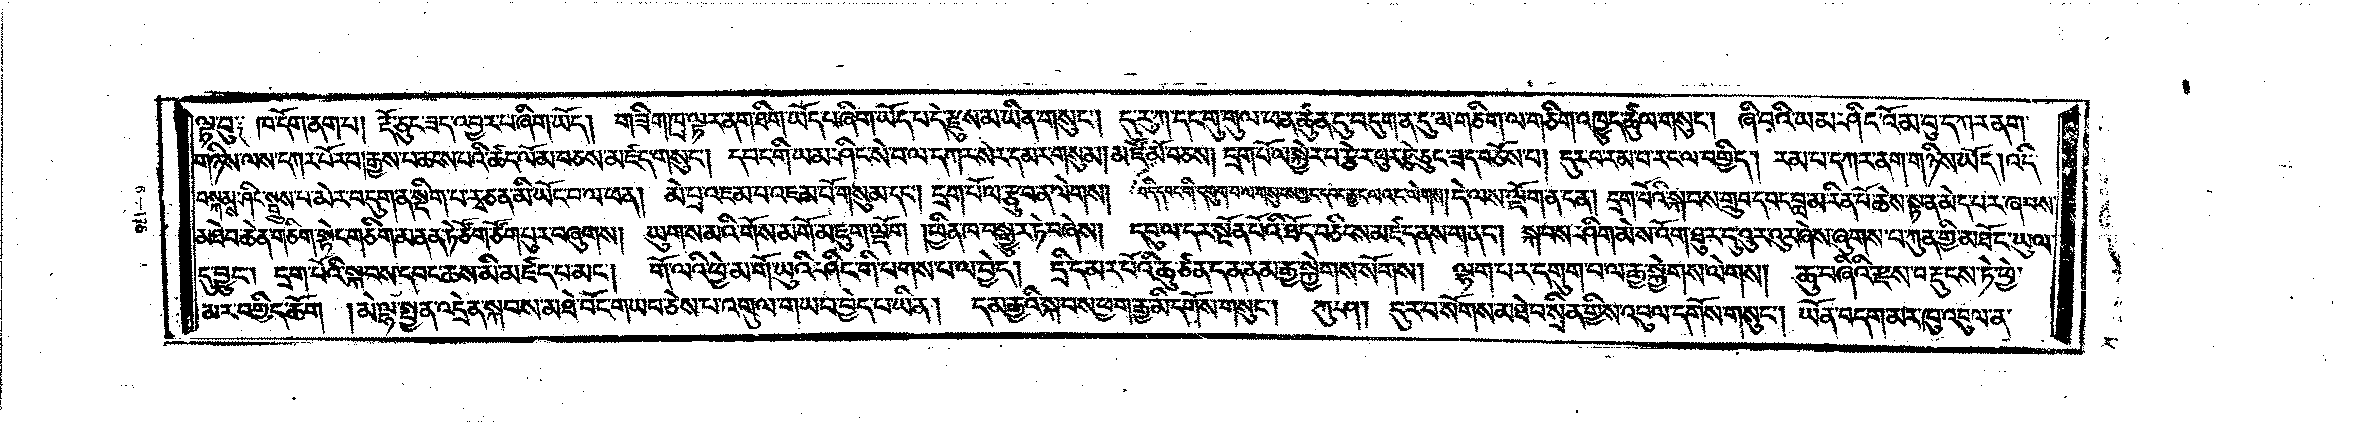ལྟ་བུ༑ ཁ་དོག་ནག་པ། རྡོ་ཅུང་ཟད་འབྱར་པ་ཞིག་ཡོད། གཟིག་ཁྲ་ལྟར་ནག་ཐིག་ཡོད་པ་ཞིག་ཡོད་པ་དེ་རྫུས་མ་ཡིན་གསུང་། དུ་རུ་ཀ་དང་གུ་གུལ་ཕན་ཚུན་དུ་བདུག་ན་དུ་མ་གཅིག་ལ་གཅིག་འཁྱུད་ཚུལ་གསུང་། ཞི་བའི་ཡམ་ཤིང་འོ་མ་བུ་དཀར་ནག་
གཉིས་ལས་དཀར་པོ་རབ། རྒྱས་པ་ཆངས་པའི་ཚད་ལོ་མ་བཅས་མཛད་གསུང་། དབང་གི་ཡམ་ཤིང་སེ་བ་ལ་དཀར་སེར་དམར་གསུམ། མཛོ་མོ་འདི་དབང་གི་དགུག་པ་ལ་གསུངས་ཀྱང་དབང་རྒྱང་ལའང་ལེགས།  བཅས། དྲག་པོ་ལ་སྐྱེར་པ་རྩེར་ཕུར་རྩེ་ཅུང་ཟད་བཅོས་པ། དུར་བ་རམ་པ་རང་ལ་བགྱིད། རམ་པ་དཀར་ནག་གཉིས་ཡོད། འདི་
བསྐམས་ཤིང་སྦྲུས་པ་མེར་བདུག་ན་སྡིག་པ་རྭ་ཅན་མི་ཡོང་བ་ལ་ཕན། མེ་པྲ་འཇམ་པ་འཇམ་པོ་གསུམ་དང་། དྲག་པོ་ལ་རྩུབ་ན་ལེགས། དེ་ལས་ལྡོག་ན་ངན། དྲག་པོའི་སྐབས་གྲུབ་དབང་བླ་མ་རིན་པོ་ཆེས་སྟན་མེད་པར་ཞབས་
མཐེབ་ཆེན་གཅིག་སྟེང་གཅིག་མནན་ཏེ་ཙོག་ཙོག་པུར་བཞུགས། ཡུག་ས་མའི་གོས་མགོ་མཇུག་ལྡོག །ཕྱིན་ཁ་བསྒྱུར་ཏེ་བཞེས། དབུ་ལ་དར་སྔོན་པོའི་ཐོད་བཅིངས་མཛད་ནས་གནང་། སྐབས་ཤིག་མེས་འོག་ཐུར་དུ་འུར་འུར་ཞེས་ཞུགས་པ་ཀུན་གྱི་མཐོང་ཡུལ་
དུ་བྱུང་། དྲག་པོའི་སྐབས་དབང་ཆས་མི་མཛད་པ་མང་། གོ་ལའི་ཕྱེ་མ་གོ་ཡུའི་ཤིང་གི་པགས་པ་ལ་བྱེད། དྲི་དམར་པོའི་ཆུ་ཙན་དན་ནམ་རྒྱ་སྐྱེགས་སོགས། ལྷག་པར་དགུག་པ་ལ་རྒྱ་སྐྱེགས་ལེགས། ཆུ་བཞིའི་རྫས་བརྡུངས་ཏེ་ཕྱེ་
མར་བགྱིད་ཆོག །མེ་ལྷ་སྤྱན་འདྲེན་སྐབས་མཐེ་བོང་གཡབ་ཅེས་པ་འགུལ་གཡབ་བྱེད་པ་ཡིན། དམ་རྒྱའི་སྐབས་ཕྱག་རྒྱ་མི་དགོས་གསུང་། ཀུ་ཤ། དུར་བ་སོགས་མཐེབ་སྲིན་གྱིས་འབུལ་དགོས་གསུང་། ཡོན་བདག་མར་ཁུ་འབུལ་ན་